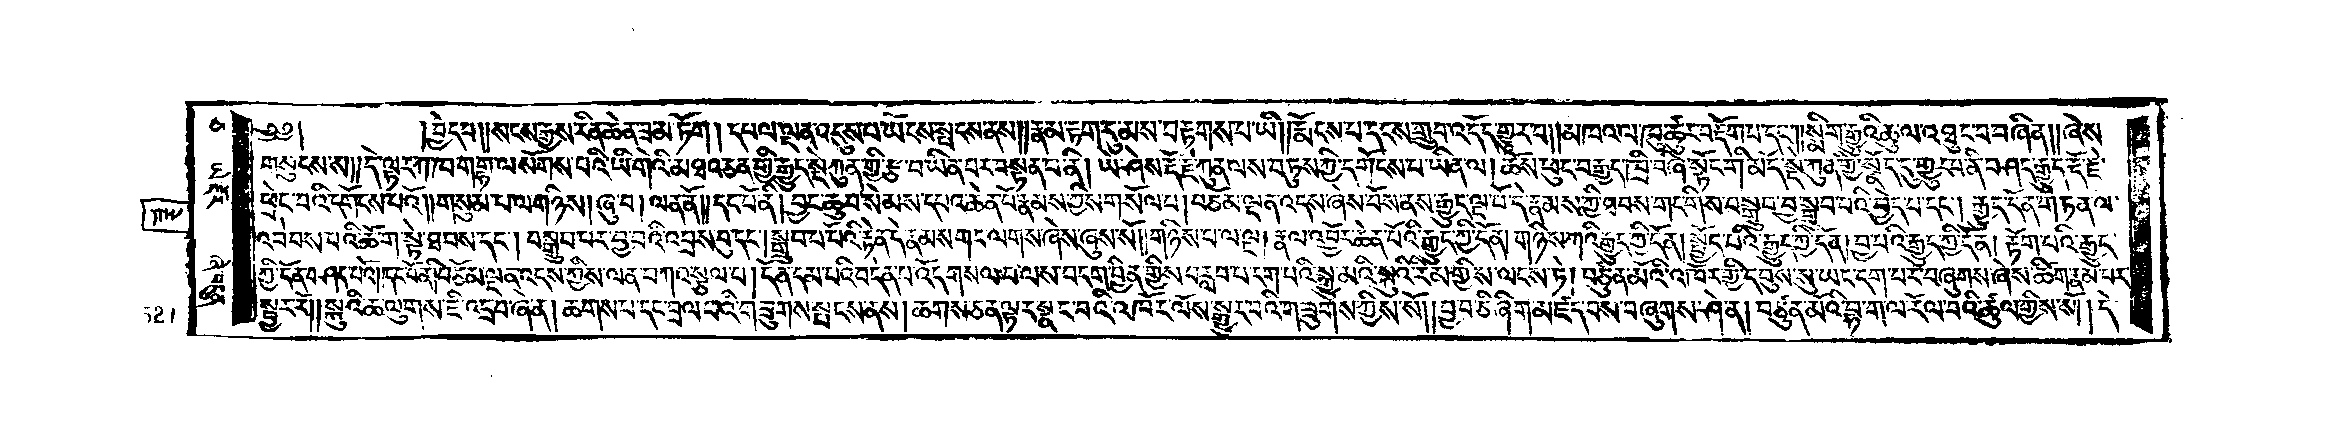༄༅། །བྱེད་པ། །སངས་རྒྱས་རིན་ཆེན་ཟ་མ་ཏོག །དཔལ་ལྡན་འདུས་པ་ཡོངས་སྤངས་ནས། །རྣམ་རྟག་དུ་མས་བརྟགས་པ་ཡི། །རྨོངས་པ་དངོས་གྲུབ་འདོད་གྱུར་པ། །མཁའ་ལ་ཁུ་ཚུར་བརྡེག་པ་དང་། །སྨིག་རྒྱུའི་ཆུ་ལ་འཐུང་བ་བཞིན། །ཞེས་
གསུངས་སོ། །དེ་ལྟར་ཀ་ཁ་ག་གྷ་ལ་སོགས་པའི་ཡི་གེའི་མཐའ་ཅན་གྱི་རྒྱུད་སྡེ་ཀུན་གྱི་རྩ་བ་ཡིན་པར་བསྟན་པ་ནི། ཡེ་ཤེས་རྡོ་རྗེ་ཀུན་ལས་བཏུས་ཀྱི་དགོངས་པ་ཡིན་ལ། ཆོས་ཕུང་བརྒྱད་ཁྲི་བཞི་སྟོང་གི་མདོ་སྡེ་ཀུན་གྱི་སྣོད་དུ་གྱུར་པ་ནི་བཤད་རྒྱུད་རྡོ་རྗེ་
ཕྲེང་བའི་དགོངས་པའོ། །གསུམ་པ་ལ་གཉིས། ཞུ་བ། ལན་ནོ། །དང་པོ་ནི། བྱང་ཆུབ་སེམས་དཔའ་ཆེན་པོ་རྣམས་ཀྱིས་གསོལ་པ། བཅོམ་ལྡན་འདས་ཞེས་བོས་ནས་རྒྱུད་ལྔ་པོ་དེ་རྣམས་ཀྱི་ཐབས་གང་གིས་བསྒྲུབ་བྱ་སྒྲུབ་པའི་བྱེད་པ་དང་། རྒྱུད་དོན་གཏན་ལ་
འབེབས་པའི་ཆོ་ག་སྟེ་ཐབས་དང་། བསྒྲུབ་པར་བྱ་བའི་འབྲས་བུ་དང་། སྒྲུབ་པ་པོའི་རྟེན་དེ་རྣམས་གང་ལགས་ཞེས་ཞུས་སོ། །གཉིས་པ་ལ་ལྔ། རྣལ་འབྱོར་ཆེན་པོའི་རྒྱུད་ཀྱི་དོན། གཉིས་ཀའི་རྒྱུད་ཀྱི་དོན། སྤྱོད་པའི་རྒྱུད་ཀྱི་དོན། བྱ་བའི་རྒྱུད་ཀྱི་དོན། རྟོག་པའི་རྒྱུད་
ཀྱི་དོན་བཤད་པའོ། །དང་པོ་ནི། བཅོམ་ལྡན་འདས་ཀྱིས་ལན་བཀའ་སྩལ་པ། དོན་དམ་པའི་བདེན་པ་འོད་གསལ་བ་ལས་བདག་བྱིན་གྱིས་བརླབ་པ་དག་པའི་སྒྱུ་མའི་སྐུའི་རིམ་གྱིས་ལངས་ཏེ། བཙུན་མོའི་འཁོར་གྱི་དབུས་སུ་ཡང་དག་པར་བཞུགས་ཞེས་ཚིག་རྣམ་པར་
སྦྱར་རོ། །སྐུའི་ཆ་ལུགས་ཇི་འདྲ་བ་ཞེ་ན། ཆགས་པ་དང་བྲལ་བའི་གཟུགས་སྤངས་ནས། ཆགས་ཅན་ལྟར་སྣང་བའི་འཁོར་ལོས་སྒྱུར་བའི་གཟུགས་ཀྱིས་སོ། །བྱ་བ་ཅི་ཞིག་མཛད་བས་བཞུགས་ཤེ་ན། བཙུན་མོའི་བྷ་ག་ལ་རོལ་བའི་ཚུལ་གྱིས་སོ། །དེ་